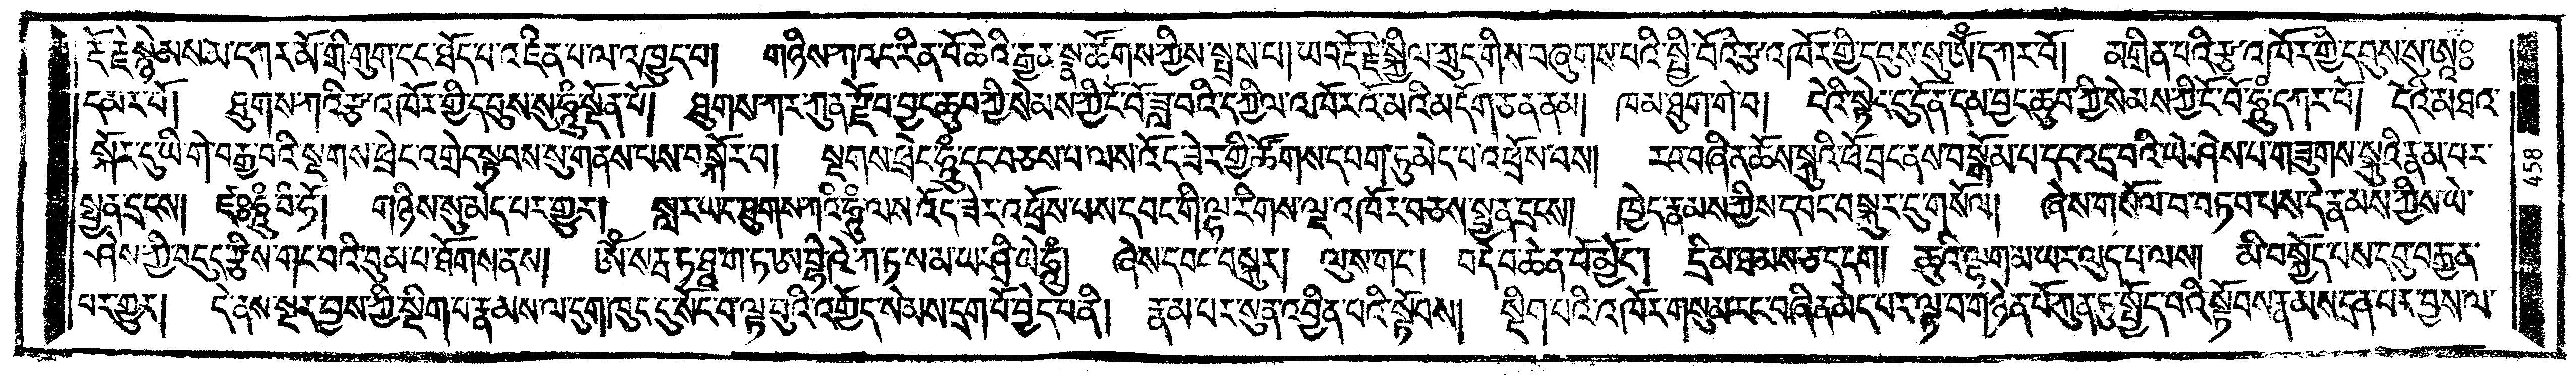རྡོ་རྗེ་སྙེམས་མ་དཀར་མོ་གྲི་གུག་དང་ཐོད་པ་འཛིན་པ་ལ་འཁྱུད་པ། གཉིས་ཀའང་རིན་པོ་ཆེའི་རྒྱན་སྣ་ཚོགས་ཀྱིས་སྤྲས་པ། ཡབ་རྡོ་རྗེ་སྐྱིལ་ཀྲུང་གིས་བཞུགས་པའི་སྤྱི་བོའི་རྩ་འཁོར་གྱི་དབུས་སུ་ཨོཾ་དཀར་པོ། མགྲིན་པའི་རྩ་འཁོར་གྱི་དབུས་སུ་ཨཱཿ
དམར་པོ། ཐུགས་ཀའི་རྩ་འཁོར་གྱི་དབུས་སུ་ཧཱུཾ་སྔོན་པོ། ཐུགས་ཀར་ཀུན་རྫོབ་བྱང་ཆུབ་ཀྱི་སེམས་ཀྱི་ངོ་བོ་ཟླ་བའི་དཀྱིལ་འཁོར་འོ་མའི་མདོག་ཅན་ནམ། ཁམ་ཐུག་གེ་བ། དེའི་སྟེང་དུ་དོན་དམ་བྱང་ཆུབ་ཀྱི་སེམས་ཀྱི་ངོ་བོ་ཧཱུཾ་དཀར་པོ། དེའི་མཐའ་
སྐོར་དུ་ཡི་གེ་བརྒྱ་བའི་སྔགས་ཕྲེང་འགྲེང་སྟབས་སུ་གནས་པས་བསྐོར་བ། སྔགས་ཕྲེང་ཧཱུཾ་དང་བཅས་པ་ལས་འོད་ཟེར་གྱི་ཚོགས་དཔག་ཏུ་མེད་པ་འཕྲོས་བས། རང་བཞིན་ཆོས་སྐུའི་ཕོ་བྲང་ནས་བསྒོམ་པ་དང་འདྲ་བའི་ཡེ་ཤེས་པ་གཟུགས་སྐུའི་རྣམ་པར་
སྤྱན་དྲངས། ཛཿཧཱུཾ་བཾ་ཧོ། གཉིས་སུ་མེད་པར་གྱུར། སླར་ཡང་ཐུགས་ཀའི་ཧཱུཾ་ལས་འོད་ཟེར་འཕྲོས་པས་དབང་གི་ལྷ་རིགས་ལྔ་འཁོར་བཅས་སྤྱན་དྲངས། ཁྱེད་རྣམས་ཀྱིས་དབང་བསྐུར་དུ་གསོལ། ཞེས་གསོལ་བ་བཏབ་པས་དེ་རྣམས་ཀྱིས་ཡེ་
ཤེས་ཀྱི་བདུད་རྩིས་གང་བའི་བུམ་པ་ཐོགས་ནས། ཨོཾ་སརྦ་ཏ་ཐཱ་ག་ཏ་ཨ་བྷི་ཥེ་ཀ་ཏ་ས་མ་ཡ་ཤྲི་ཡེ་ཧཱུཾ། ཞེས་དབང་བསྐུར། ལུས་གང་། བདེ་བ་ཆེན་པོ་མྱོང་། དྲི་མ་ཐམས་ཅད་དག། ཆུའི་ལྷག་མ་ཡར་ལུད་པ་ལས། མི་བསྐྱོད་པས་དབུ་བརྒྱན་
པར་གྱུར། དེ་ནས་སྔར་བྱས་ཀྱི་སྡིག་པ་རྣམས་ལ་དུག་ཁུང་དུ་སོང་བ་ལྟ་བུའི་འགྱོད་སེམས་དྲག་པོ་བྱེད་པ་ནི། རྣམ་པར་སུན་འབྱིན་པའི་སྟོབས། སྡིག་པའི་འཁོར་གསུམ་རང་བཞིན་མེད་པར་ལྟ་བ་གཉེན་པོ་ཀུན་ཏུ་སྤྱོད་པའི་སྟོབས་རྣམས་དྲན་པར་བྱས་ལ་